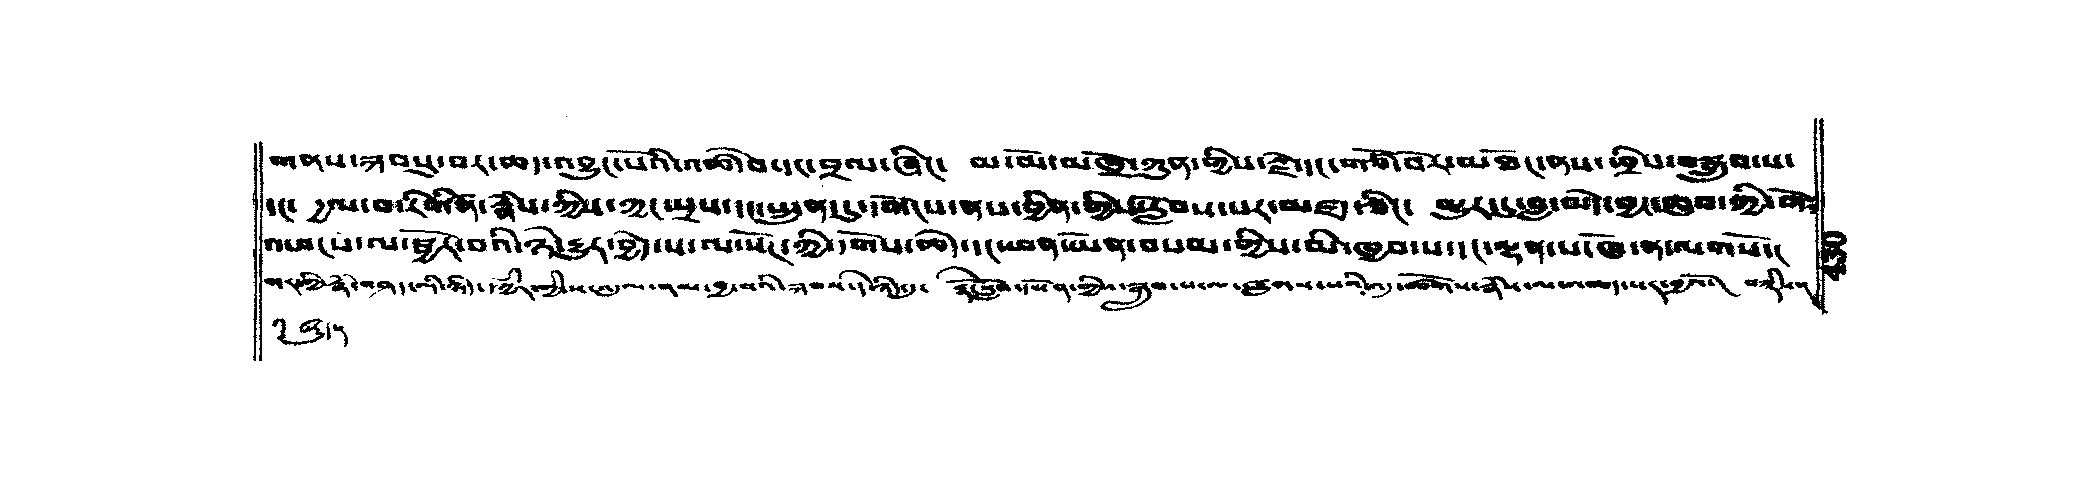གནས་སྐབས་སུ་བར་ཆད་འབྱུང་པོའི་འཚེ་བ་དང་བྲལ་ཞིང་། མ་མོ་མཁའ་འགྲོ་ཀུན་གྱིས་རྗེ་དང་གཙོ་བོར་མཐོང་ནས་ཕྲིན་ལས་བསྒྲུབ་པ་
དང་། རྒྱལ་བ་རིག་འཛིན་རྣམས་ཀྱིས་ཀྱང་སྲས་དང་སྤུན་དུ་དགོངས་ནས་བྱིན་གྱིས་རློབས་པར་མཛད་ཅིང་། མྱུར་དུ་བླ་མེད་བྱངས་ཅུབ་ཀྱི་གོ་
འཕང་ལ་སྦྱོར་བའི་ཉེ་རྒྱུར་བྱེད་པ་ལ་སོགས་ཀྱི་དགོས་ཆེད་དང་ཕན་ཡོན་བསམ་གྱིས་མི་ཁྱབ་པ་དང་ལྡན་པ་ཁོ་ན་ལགས་སོ། 
གར་གྱི་རྣམ་བཤད་འིད་ཉིད་དཀྱིལ་འཁོར་གྱི་ས་འདུལ་ནམ།བྱ་བའི་སྐབས་དེ་ཉིད་དུ། རྡོ་རྗེ་སློབ་དཔོན་གྱི་སྒྲུབ་པ་ལ་ཞུགས་པའི་ཚོགས་རྣམས་ལ་འཆད་པར་བྱའོ། བཀྲ་ཤིས།